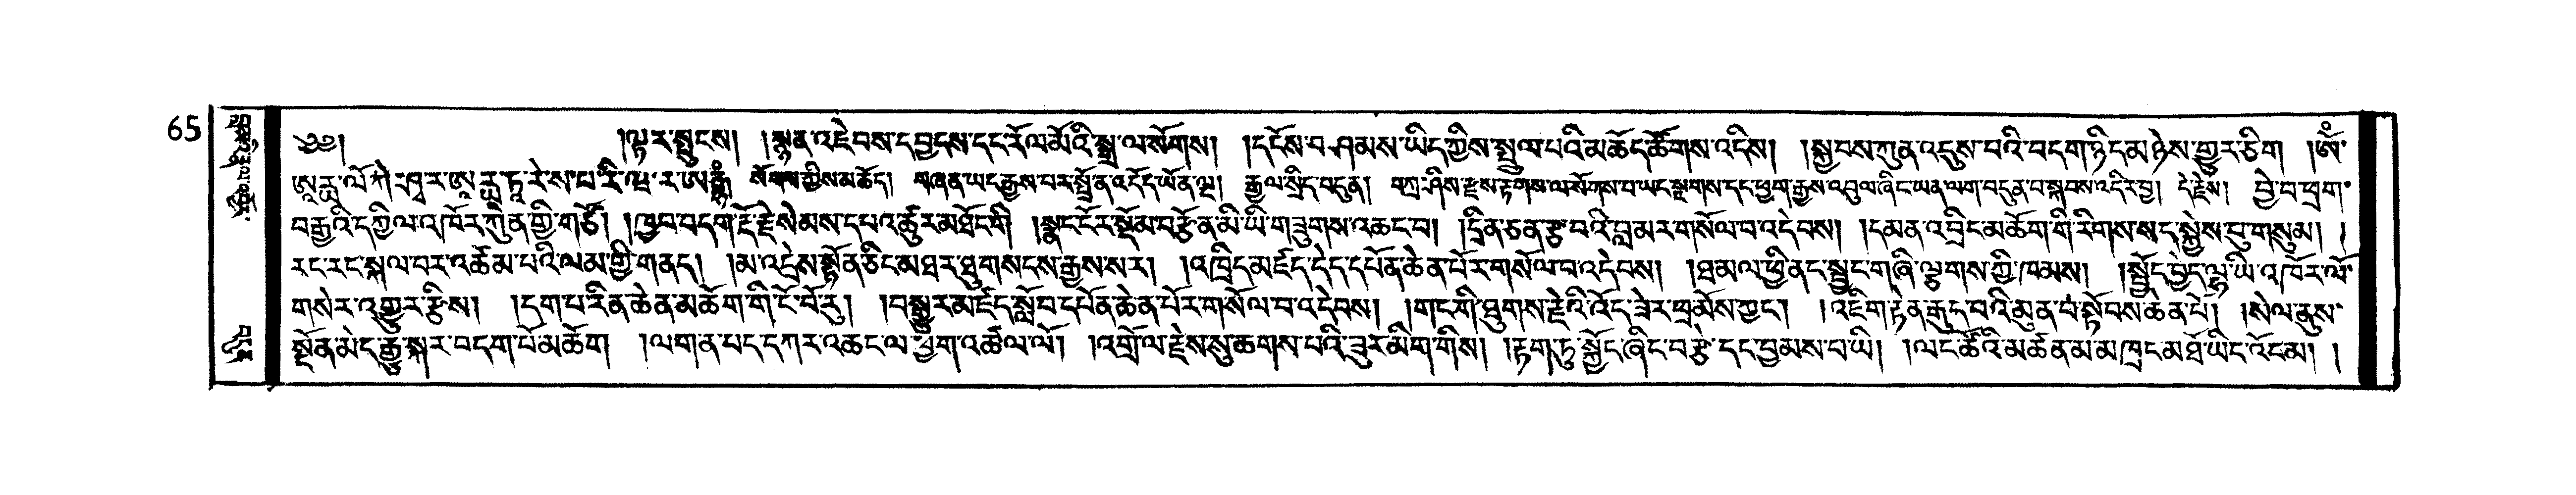༄༅། །ལྟར་སྤུངས། །སྙན་འཇེབས་དབྱངས་དང་རོལ་མོའི་སྒྲ་ལ་སོགས། །དངོས་བཤམས་ཡིད་ཀྱིས་སྤྲུལ་པའི་མཆོད་ཚོགས་འདིས། །སྐྱབས་ཀུན་འདུས་པའི་བདག་ཉིད་མཉེས་གྱུར་ཅིག། ཨོཾ་
ཨཱ་ར་ཡ་ལོ་ཀེ་ཤྭ་ར་ཨཱ་ར་ཡ་ཏཱ་རེ་ས་པ་རི་ཝ་ར་ཨ་རྒཾ་ཧ། སོགས་ཀྱིས་མཆོད། །གཞན་ཡང་རྒྱས་པར་སྤྲོ་ན་འདོད་ཡོན་ལྔ། རྒྱལ་སྲིད་བདུན། །བཀྲ་ཤིས་རྫས་རྟགས་ལ་སོགས་པ་ཡང་སྔགས་དང་ཕྱག་རྒྱས་འབུལ་ཞིང་ཡན་ལག་བདུན་བསྐབས་འདིར་བྱ། །དེ་རྗེས། །བྱེ་བ་ཕྲག་
བརྒྱའི་དཀྱིལ་འཁོར་ཀུན་གྱི་གཙོ། །ཁྱབ་བདག་རྡོ་རྗེ་སེམས་དཔའ་ཚུར་མཐོང་གི། སྣང་ངོར་སྡོམ་བརྩོན་མི་ཡི་གཟུགས་འཆང་བ། དྲིན་ཅན་རྩ་བའི་བླ་མར་གསོལ་བ་འདེབས། །དམན་འབྲིང་མཆོག་གི་རིགས་སད་སྐྱེས་བུ་གསུམ། །
རང་རང་སྐལ་བར་འཚམ་པའི་ལམ་གྱི་གནད། །མ་འདྲེས་སྟོན་ཅིང་མཐར་ཐུག་སངས་རྒྱས་སར། །འཁྲིད་མཛད་དེད་དཔོན་ཆེན་པོར་གསོལ་བ་འདེབས། ཐ་མལ་ཕྱི་ནང་སྦྱང་གཞི་ལྕགས་ཀྱི་ཁམས། །སྤྱོད་བྱེད་ལྷ་ཡི་འཁོར་ལོ་
གསེར་འགྱུར་རྩིས། །དག་པ་རིན་ཆེན་མཆོག་གི་ངོ་བོ་རུ། །བསྒྱུར་མཛད་སློབ་དཔོན་ཆེན་པོར་གསོལ་བ་འདེབས། །གང་གི་ཐུགས་རྗེའི་འོད་ཟེར་ཕྲ་མོས་ཀྱང་། །འཇིག་རྟེན་རྒྱུད་པའི་མུན་པ་སྟོབས་ཆེན་པོ། །སེལ་ནུས་
སྔོན་མེད་རྒྱུ་སྐར་བདག་པོ་མཆོག། །ལག་ན་པད་དཀར་འཆང་ལ་ཕྱག་འཚལ་ལོ། །འགྲོ་ལ་རྗེས་སུ་ཆགས་པའི་ཟུར་མིག་གིས། །རྟག་ཏུ་སྐྱོང་ཞིང་བརྩེ་དང་བྱམས་པ་ཡི། །ལང་ཚོའི་མཚན་མ་མཁྲང་མཐོ་ཡིང་འོང་མ། །